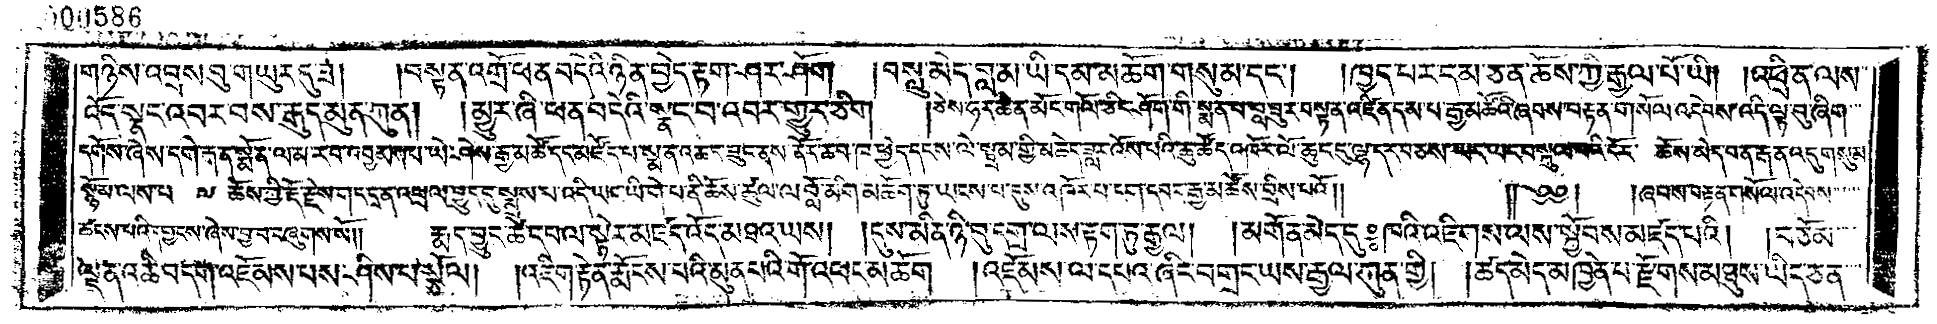གཉིས་འབྲས་བུ་གཡུར་དུ་ཟ། །བསྟན་འགྲོ་ཕན་བདེའི་ཉིན་བྱེད་རྟག་ཤར་ཤོག །བསླུ་མེད་བླ་མ་ཡི་དམ་མཆོག་གསུམ་དང་། །ཁྱད་པར་དམ་ཅན་ཆོས་ཀྱི་རྒྱལ་པོ་ཡི། །འཕྲིན་ལས་
འོད་སྣང་འབར་བས་རྐུད་མུན་ཀུན། །མྱུར་ཞི་ཕན་བདེའི་སྣང་བ་འབར་གྱུར་ཅིག །ཅེས་ཧར་ཆེན་མོང་གོལ་ཅིང་ཤོག་གི་སྨན་པ་བླ་ཟུར་བསྟན་འཛིན་དམ་པ་རྒྱ་མཚོའི་ཞབས་བརྟན་གསོལ་འདེབས་འདི་ལྟ་བུ་ཞིག་
དགོས་ཞེས་དགེ་རྒན་སྨོན་ལམ་རབ་འབྱམས་པ་ཡེ་ཤེས་རྒྱ་མཚོ་དང་མཛོད་པ་སྨན་འཆང་ཟུང་ནས་ནོར་ཆབ་ཁ་ཕྱེད་དང་ས་ལེ་སྦྲམ་གྱི་མཆེད་ཟླར་འོས་པའི་ཆུ་ཚོད་འཁོར་ལོ་ཆུང་ངུ་ལྷ་དར་བཅས་ཡང་ཡང་བསྐུལ་བའི་ངོར་ཆོས་མེད་བན་རྒན་འདུ་གསུམ་
སྙོམ་ལས་པ་༧་ཆོས་ཀྱི་རྡོ་རྗེས་གང་དྲན་འཕྲལ་བྱུང་དུ་སྤྲས་པ་འདི་ཡང་ཡི་གེ་པ་ནི་ཆོས་ཚུལ་ལ་བློ་མིག་མཆོག་ཏུ་ཡངས་པ་དུས་འཁོར་པ་ངག་དབང་རྒྱ་མཚོས་བྲིས་པའོ།། །། ༄༅། །ཞབས་བརྟན་གསོལ་འདེབས་
ཚངས་པའི་དབྱངས་ཞེས་བྱ་བ་བཞུགས་སོ།། རྨད་བྱུང་ཚེ་དཔལ་སྟེར་མཛད་འོད་མཐའ་ཡས། །དུས་མིན་ཉི་བུ་དགྲ་ལས་རྟག་ཏུ་རྒྱལ། །མགོན་མེད་དུཿ ཁའི་འཇིགས་ལས་སྐྱོབས་མཛད་པའི། །བཅོམ་
ལྡན་འཆི་བདག་འཇོམས་པས་ཤིས་པ་སྩོལ། །འཇིག་རྟེན་རྨོངས་པའི་མུན་པའི་གོ་འཕང་མཆོག །འཇོམས་ལ་དཔའ་ཞིང་བགྲང་ཡས་རྒྱལ་ཀུན་གྱི། །ཚད་མེད་མཁྱེན་པ་རྫོགས་མཐུས་ཡིད་ཅན་